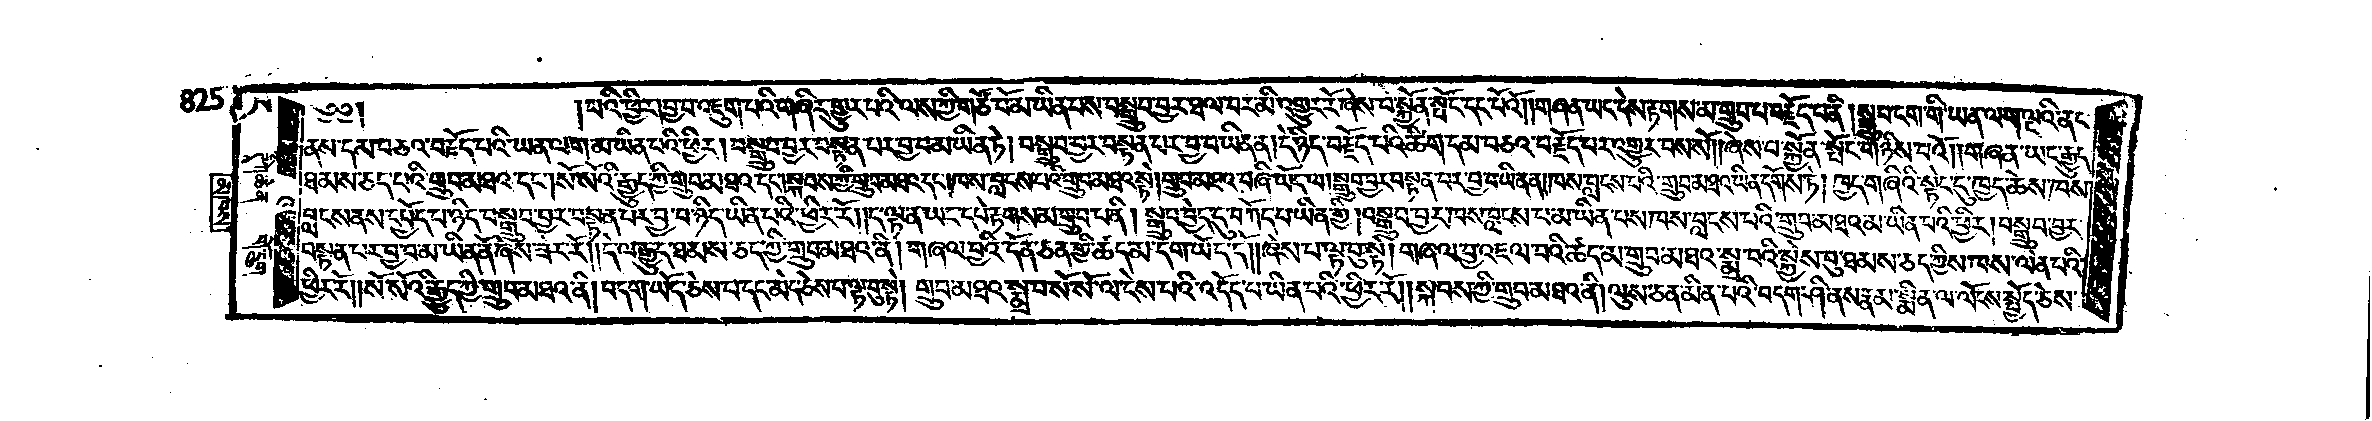༄༅། །པའི་ཕྱིར། བྱ་བ་འཇུག་པའི་གཞིར་གྱུར་པའི་ལས་ཀྱི་གཙོ་བོ་མ་ཡིན་པས་བསྒྲུབ་བྱར་ཐལ་བར་མི་འགྱུར་རོ་ཞེས་པ་སྐྱོན་སྤོང་དང་པོའོ། །གཞན་ཡང་དེས་རྟགས་མ་གྲུབ་པ་བརྗོད་པ་ནི། སྒྲུབ་ངག་གི་ཡན་ལག་ལྔའི་ནང་
ནས་དམ་བཅའ་བརྗོད་པའི་ཡན་ལག་མ་ཡིན་པའི་ཕྱིར། བསྒྲུབ་བྱར་བསྟན་པར་བྱ་བ་མ་ཡིན་ཏེ། བསྒྲུབ་བྱར་བསྟན་པར་བྱ་བ་ཡིན་ན། དེ་ཉིད་བརྗོད་པའི་ཚིག་དམ་བཅའ་བརྗོད་པར་འགྱུར་བས་སོ། །ཞེས་པ་སྐྱོན་སྤོང་གཉིས་པའོ། །གཞན་ཡང་རྒྱུད་
ཐམས་ཅད་པའི་གྲུབ་མཐའ་དང་། སོ་སོའི་རྒྱུད་ཀྱི་གྲུབ་མཐའ་དང་། སྐབས་ཀྱི་གྲུབ་མཐའ་དང་། ཁས་བླངས་པའི་གྲུབ་མཐའ་སྟེ། གྲུབ་མཐའ་བཞི་ཡོད་ལ། སྒྲུབ་བྱར་བསྟན་པར་བྱ་བ་ཡིན་ན། ཁས་བླངས་པའི་གྲུབ་མཐའ་ཡིན་དགོས་ཏེ། ཁྱད་གཞིའི་སྟེང་དུ་ཁྱད་ཆེས་ཁས་
བླངས་ནས་དཔྱོད་པ་ཉིད་བསྒྲུབ་བྱར་བསྟན་པར་བྱ་བ་ཉིད་ཡིན་པའི་ཕྱིར་རོ། །དེ་ལྟ་ན་ཡང་དཔེ་རྟགས་མ་གྲུབ་པ་ནི། སྒྲུབ་བྱེད་དུ་བཀོད་པ་ཡིན་གྱི། བསྒྲུབ་བྱར་ཁས་བླངས་པ་མ་ཡིན་པས་ཁས་བླངས་པའི་གྲུབ་མཐའ་མ་ཡིན་པའི་ཕྱིར། བསྒྲུབ་བྱར་
བསྟན་པར་བྱ་བ་མ་ཡིན་ནོ་ཞེས་ཟེར་རོ། །དེ་ལ་རྒྱུད་ཐམས་ཅད་ཀྱི་གྲུབ་མཐའ་ནི། གཞལ་བྱའི་དོན་ཅན་གྱི་ཚད་མ་དག་ཡོད་དོ། །ཞེས་པ་ལྟ་བུ་སྟེ། གཞལ་བྱ་འཇལ་བའི་ཚད་མ་གྲུབ་མཐའ་སྨྲ་བའི་སྐྱེས་བུ་ཐམས་ཅད་ཀྱིས་ཁས་ལེན་པའི་
ཕྱིར་རོ། །སོ་སོའི་རྒྱུད་ཀྱི་གྲུབ་མཐའ་ནི། བདག་ཡོད་ཅེས་པ་དང་མེད་ཅེས་པ་ལྟ་བུ་སྟེ། གྲུབ་མཐའ་སྨྲ་བ་སོ་སོ་ལ་ངེས་པའི་འདོད་པ་ཡིན་པའི་ཕྱིར་རོ། །སྐབས་ཀྱི་གྲུབ་མཐའ་ནི། ལུས་ཅན་མིན་པའི་བདག་ཤི་ནས་རྣམ་སྨིན་ལ་ལོངས་སྤྱོད་ཅེས་